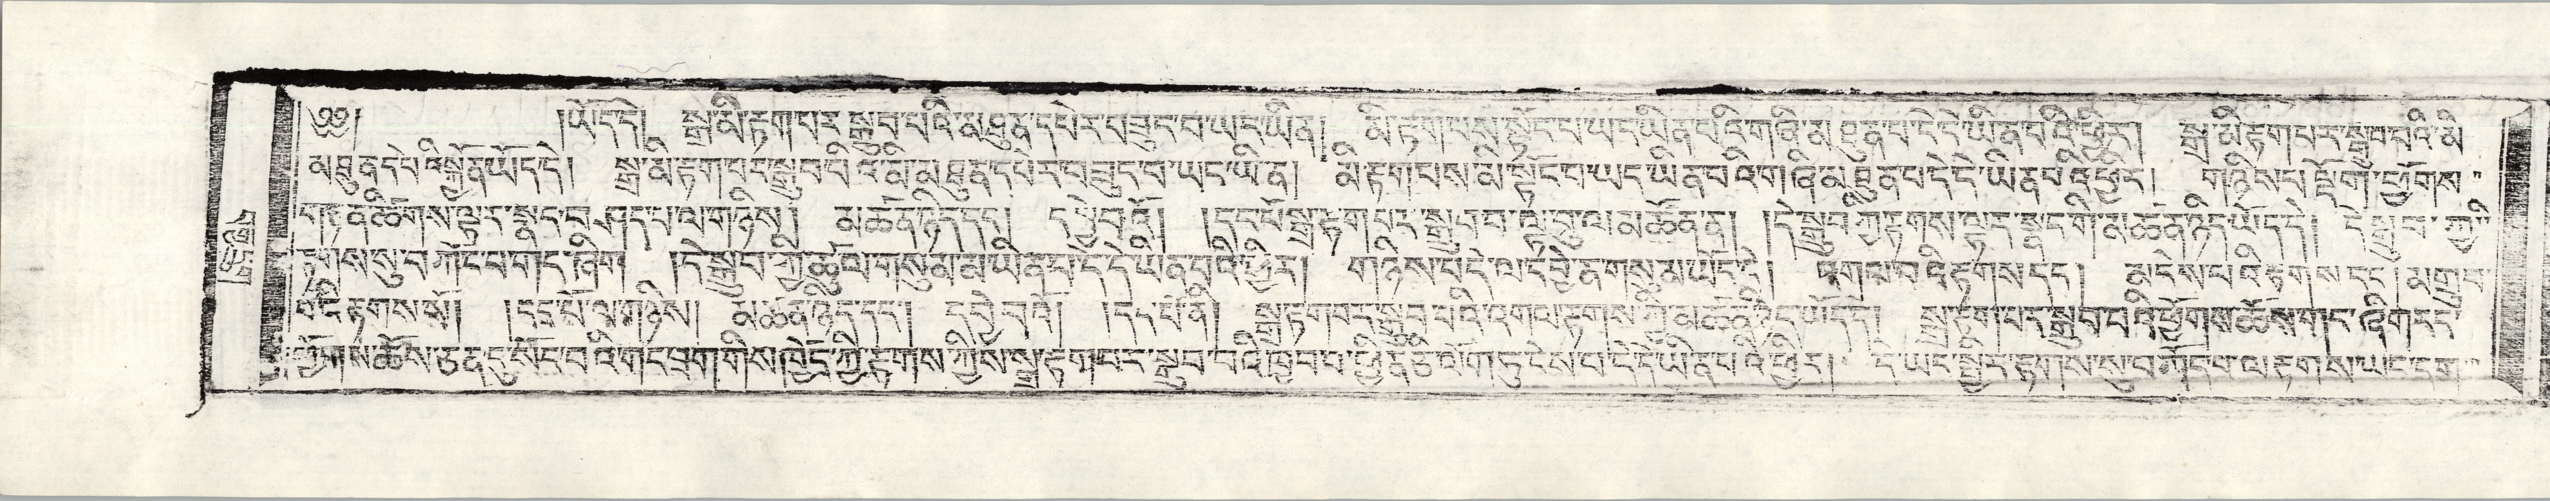༄༅། །ཡོད་དེ། སྒྲ་མི་རྟག་པར་སྒྲུབ་པའི་མཐུན་དཔེར་བཟུང་བ་ཡང་ཡིན། མི་རྟག་པས་སྟོང་བ་ཡང་ཡིན་པའི་གཞི་མཐུན་པ་དེ་དེ་ཡིན་པའི་ཕྱིར། སྒྲ་མི་རྟག་པར་སྒྲུབ་པའི་མི་
མཐུན་དཔེའི་སྐྱོན་ཡོད་དེ། སྒྲ་མི་རྟག་པར་སྒྲུབ་པའི་མི་མཐུན་དཔེར་བཟུང་བ་ཡང་ཡིན། མི་རྟག་པས་མི་སྟོང་པ་ཡང་ཡིན་པའི་གཞི་མཐུན་པ་དེ་དེ་ཡིན་པའི་ཕྱིར། གཉིས་པ་ལྡོག་ཕྱོགས་
གཏན་ཚིགས་ལྟར་སྣང་བཤད་པ་ལ་གཉིས། མཚན་ཉིད་དང་། དབྱེ་བའོ། །དང་པོ་སྒྲ་རྟག་པར་སྒྲུབ་པ་ལྟ་བུ་ལ་མཚོན་ན། དེ་སྒྲུབ་ཀྱི་རྟགས་ལྟར་སྣང་གི་མཚན་ཉིད་ཡོད་དེ། དེ་སྒྲུབ་ཀྱི་
རྟགས་སུ་བཀོད་པ་གང་ཞིག །དེ་སྒྲུབ་ཀྱི་ཚུལ་གསུམ་མ་ཡིན་པ་དེ་དེ་ཡིན་པའི་ཕྱིར། གཉིས་པ་དེ་ལ་དབྱེ་ན་གསུམ་ཡོད་དེ། འགལ་བའི་རྟགས་དང་། མ་ངེས་པའི་རྟགས་དང་། མ་གྲུབ་
པའི་རྟགས་སོ། །དང་པོ་ལ་གཉིས། མཚན་ཉིད་དང་། དབྱེ་བའོ། །དང་པོ་ནི། སྒྲ་རྟག་པར་སྒྲུབ་པའི་འགལ་རྟགས་ཀྱི་མཚན་ཉིད་ཡོད་དེ། སྒྲ་རྟག་པར་སྒྲུབ་པའི་ཕྱོགས་ཆོས་གང་ཞིག་རང་
ཕྱོགས་ཆོས་ཅན་དུ་སོང་བའི་གང་ཟག་གིས་ཁྱོད་ཀྱིས་རྟགས་ཀྱིས་སྒྲ་རྟག་པར་སྒྲུབ་པའི་ཁྱབ་པ་ཕྱིན་ཅི་ལོག་ཏུ་ངེས་པ་དེ་དེ་ཡིན་པའི་ཕྱིར། དེ་ཡང་སྤྱིར་རྟགས་སུ་བཀོད་པ་ལ་རྟགས་ཡང་དག་